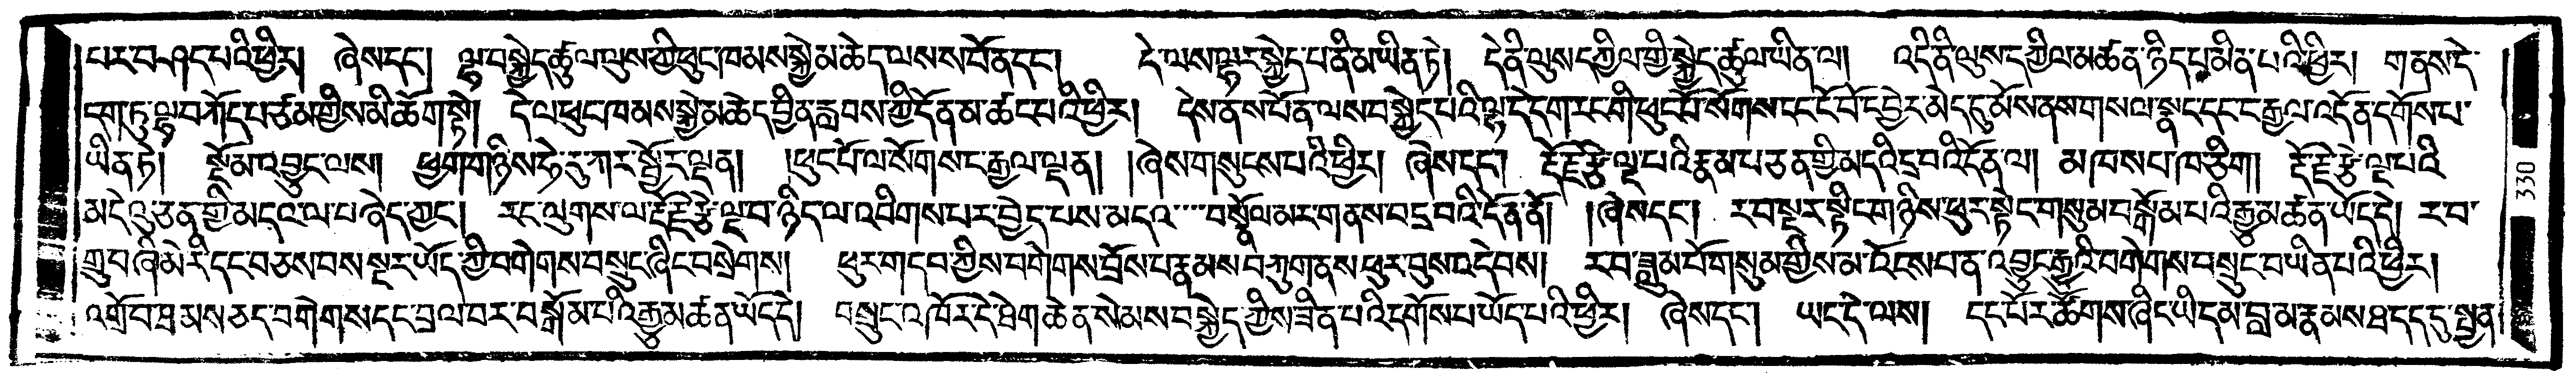པར་བཤད་པའི་ཕྱིར། ཞེས་དང་། ལྷ་བསྐྱེད་ཚུལ་ལུས་ཀྱི་ཕུང་ཁམས་སྐྱེ་མཆེད་ལས་ས་བོན་དང་། དེ་ལས་ལྷར་སྐྱེད་པ་ནི་མ་ཡིན་ཏེ། དེ་ནི་ལུས་དཀྱིལ་གྱི་སྐྱེད་ཚུལ་ཡིན་ལ། འདི་ནི་ལུས་དཀྱིལ་མཚན་ཉིད་པ་མིན་པའི་ཕྱིར། གནས་དེ་
དག་ཏུ་ལྷ་བཀོད་པ་ཙམ་གྱིས་མི་ཆོག་སྟེ། དེ་ལ་ཕུང་ཁམས་སྐྱེ་མཆེད་བྱིན་རླབས་ཀྱི་དོན་མ་ཚང་པའི་ཕྱིར། དེས་ན་ས་བོན་ལས་བསྐྱེད་པའི་ལྷ་དེ་དག་རང་གི་ཕུང་པོ་སོགས་དང་ངོ་བོ་དབྱེར་མེད་དུ་མོས་ནས་གསལ་སྣང་དང་ང་རྒྱལ་འདོན་དགོས་པ་
ཡིན་ཏེ། སྡོམ་འབྱུང་ལས། ཕྱག་གཉིས་ཧེ་རུ་ཀར་སྦྱོར་ལྡན། །ཕུང་པོ་ལ་སོགས་ང་རྒྱལ་ལྡན། །ཞེས་གསུངས་པའི་ཕྱིར། ཞེས་དང་། རྡོ་རྗེ་རྩེ་ལྔ་པའི་རྣམ་པ་ཅན་གྱི་མདའི་དྲ་བའི་དོན་ལ། མཁས་པ་ཁ་ཅིག། རྡོ་རྗེ་རྩེ་ལྔ་པའི་
མདེའུ་ཅན་གྱི་མདའ་ལ་བཞེད་ཀྱང་། རང་ལུགས་ལ་རྡོ་རྗེ་རྩེ་ལྔ་པ་ཉིད་ལ་འབིགས་པར་བྱེད་པས་མདའ་བསྣོལ་མར་གནས་འདྲ་བའི་དོན་ནོ། །ཞེས་དང་། ར་བ་སྔར་སྟིང་གཉིས་ཕུར་སྟེང་གསུམ་བསྒོམ་པའི་རྒྱུ་མཚན་ཡོད་དེ། ར་བ་
གྲུ་བཞི་མེ་རི་དང་བཅས་པས་སྔར་ཡོད་ཀྱི་བགེགས་བསྲུང་ཞིང་བསྲེགས། ཕུར་གདབ་ཀྱིས་བགེགས་བྲོས་པ་རྣམས་བཀུག་ནས་ཕུར་བུས་འདེབས། ར་བ་ཟླུམ་པོ་གསུམ་གྱིས་མ་འོངས་པ་ན་འབྱུང་རྒྱུའི་བགེགས་བསྲུང་བ་ཡིན་པའི་ཕྱིར།
འགྲོ་བ་ཐམས་ཅད་བགེགས་དང་བྲལ་བར་བསྒོམ་པའི་རྒྱུ་མཚན་ཡོད་དེ། བསྲུང་འཁོར་དེ་ཐེག་ཆེན་སེམས་བསྐྱེད་ཀྱིས་ཟིན་པའི་དགོས་པ་ཡོད་པའི་ཕྱིར། ཞེས་དང་། ཡང་དེ་ལས། དང་པོར་ཚོགས་ཞིང་ཡི་དམ་བླ་མ་རྣམས་ཐ་དད་དུ་སྤྱན་